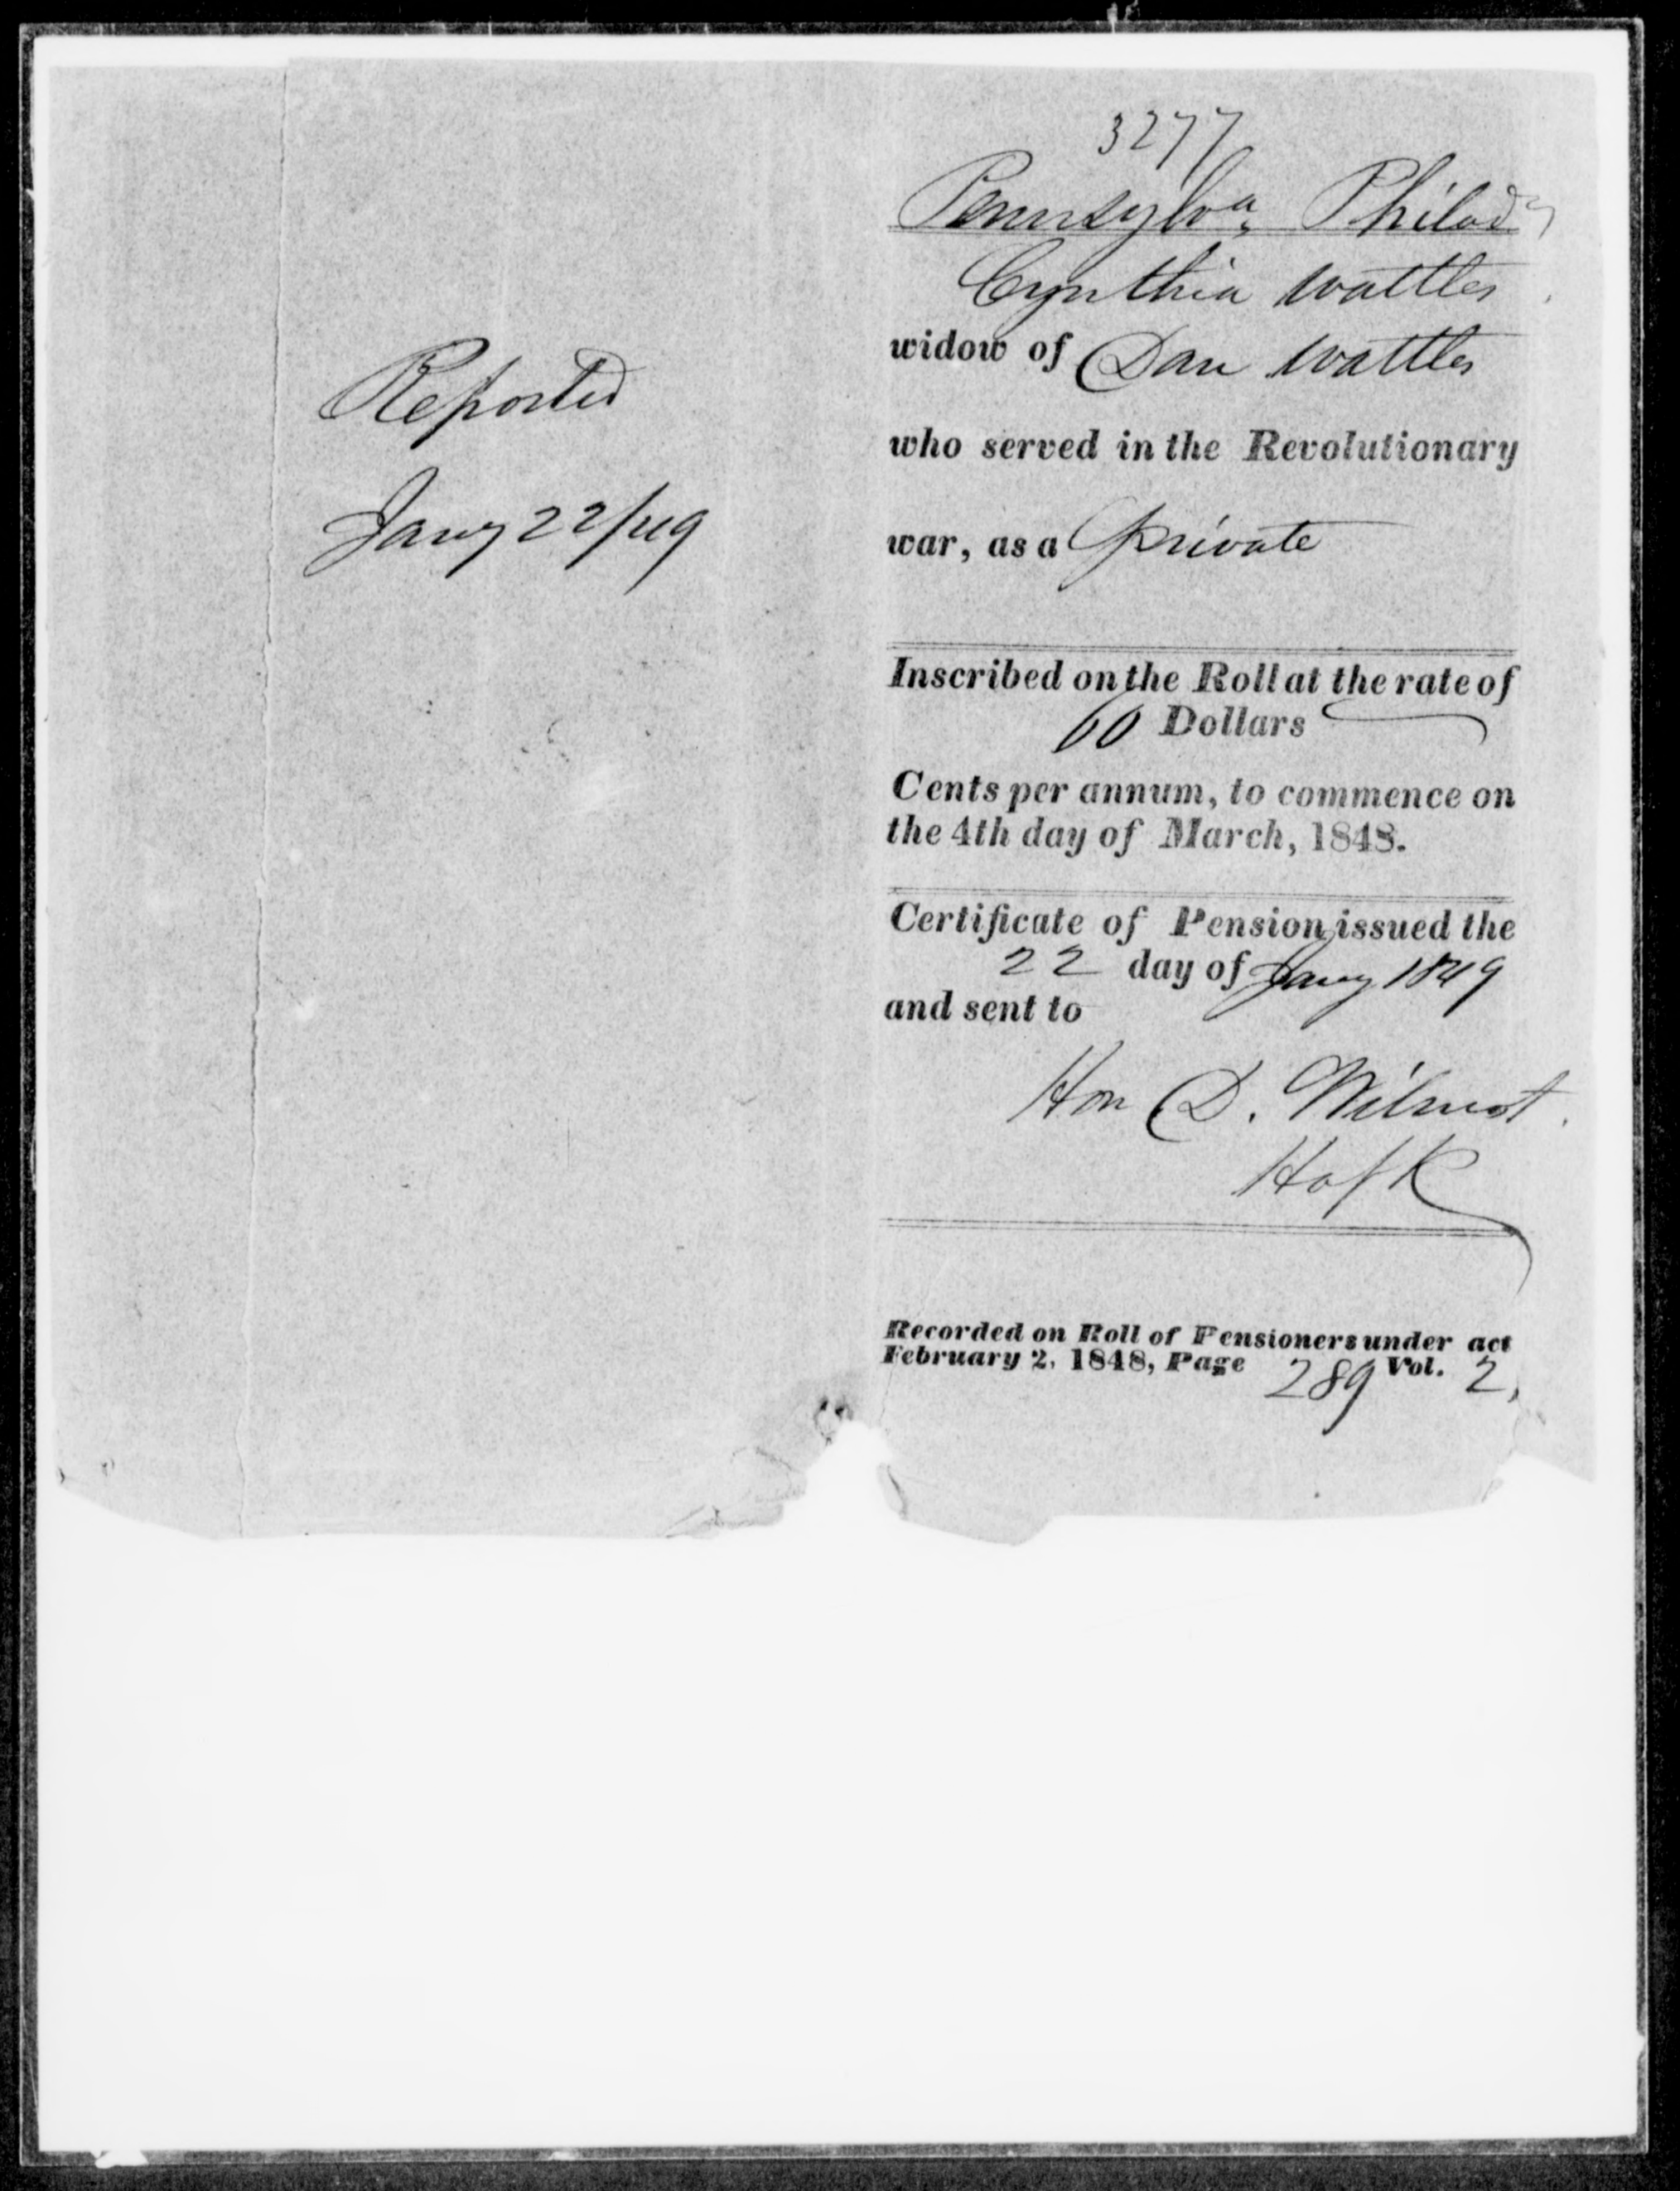3277

Pennsylva, Philada
--------------------------------------------------
Cynthia Wattles
widow of Dan Wattles
who served in the Revolutionary
war, as a private
--------------------------------------------------
Inscribed on the Roll at the rate of 
60 Dollars     -------------
Cents per annum, to commence on
the 4th day to March, 1848
--------------------------------------------------
Certificate of Pension issued the 
22 day of Jany  1849
and sent to 
Hon. D. Wilmot
H[     ]
-----------------------------------------------------
Recorded on Roll of Pensioners under act
February 2, 1848,  Page 289  Vol. 2

Reported
Jany  22/49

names: Dan Wattles, Cynthia Wattles, D Wilmot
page: 27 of 70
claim: widow's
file: W. 3743, Dan Wattles, Conn.